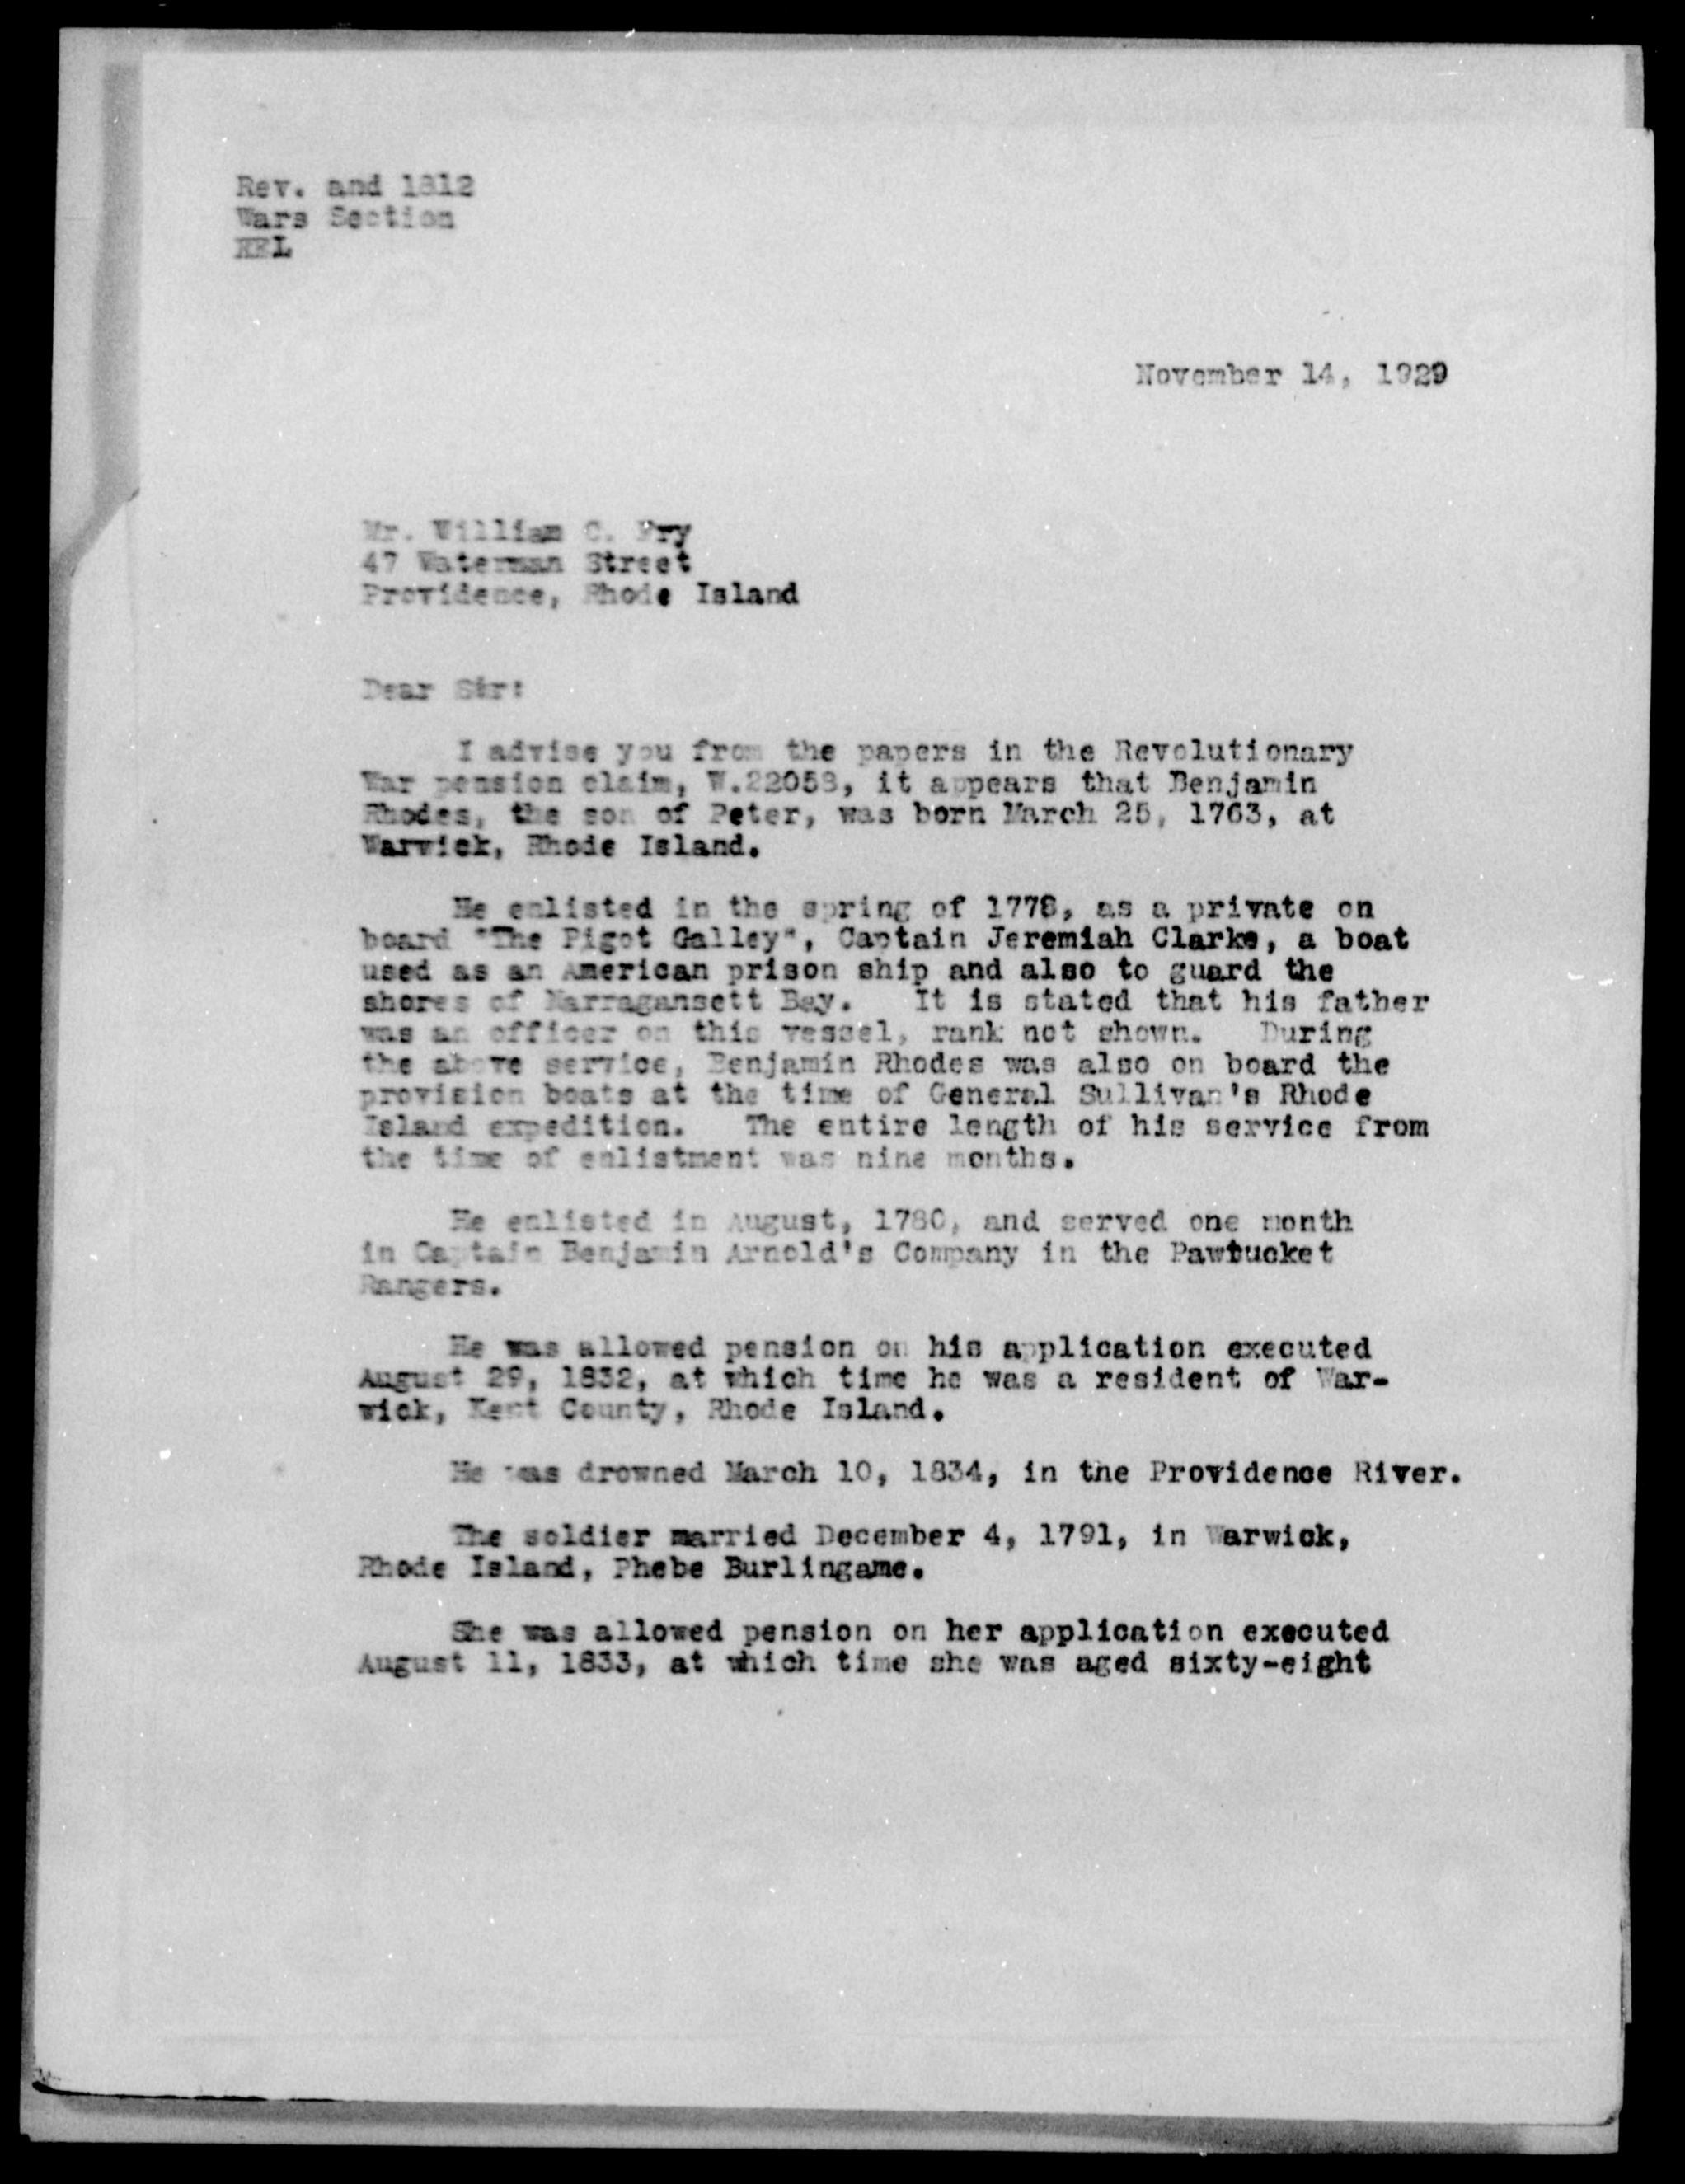Rev. and 1812
Wars Section
KEL
November 14, 1929
William C. Fry
47 Waterman Street
Providence, Rhode Island
Dear Sir:

I advise you from the papers in the Revolutionary War pension claim, W.22053, it appears that Benjamin Rhodes, the son of Peter, was born March 25, 1763, at Warwick, Rhode Island.
He enlisted in the spring of 1778, as a private on
board "The Pigot Galley, Captain Jeremiah Clarke, a boat used as an American prison ship and also to guard the shores of Narragansett Bay. It is stated that his father was an officer of this vessel, rank not shown. During the above service, Benjamin Rhodes was also on board the provision boats at the time of General Sullivan's Rhode Island expedition. The entire length of his service from the time of enlistment was nine months.
He enlisted in August, 1780, and served one month in Captain Benjamin Arnold's Company in the Pawtucket Rangers.
He was allowed pension on his application executed August 29, 1832, at which time he was a resident of Warwick, Kent County, Rhode Island.
He as drowned March 10, 1834, in the Providence River.
The soldier married December 4, 1791, in Warwick, Rhode Island, Phebe Burlingame.
She was allowed pension on her application executed August 11, 1833, at which time she was aged sixty-eight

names: Peter [BLANK]; Benjamin Rhodes; Benjamin Rhodes; Phebe Burlingame; Jeremiah Clarke; William C Fry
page: 23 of 50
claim: widow's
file: W. 22058, for Benjamin Rhodes, Rhode Island